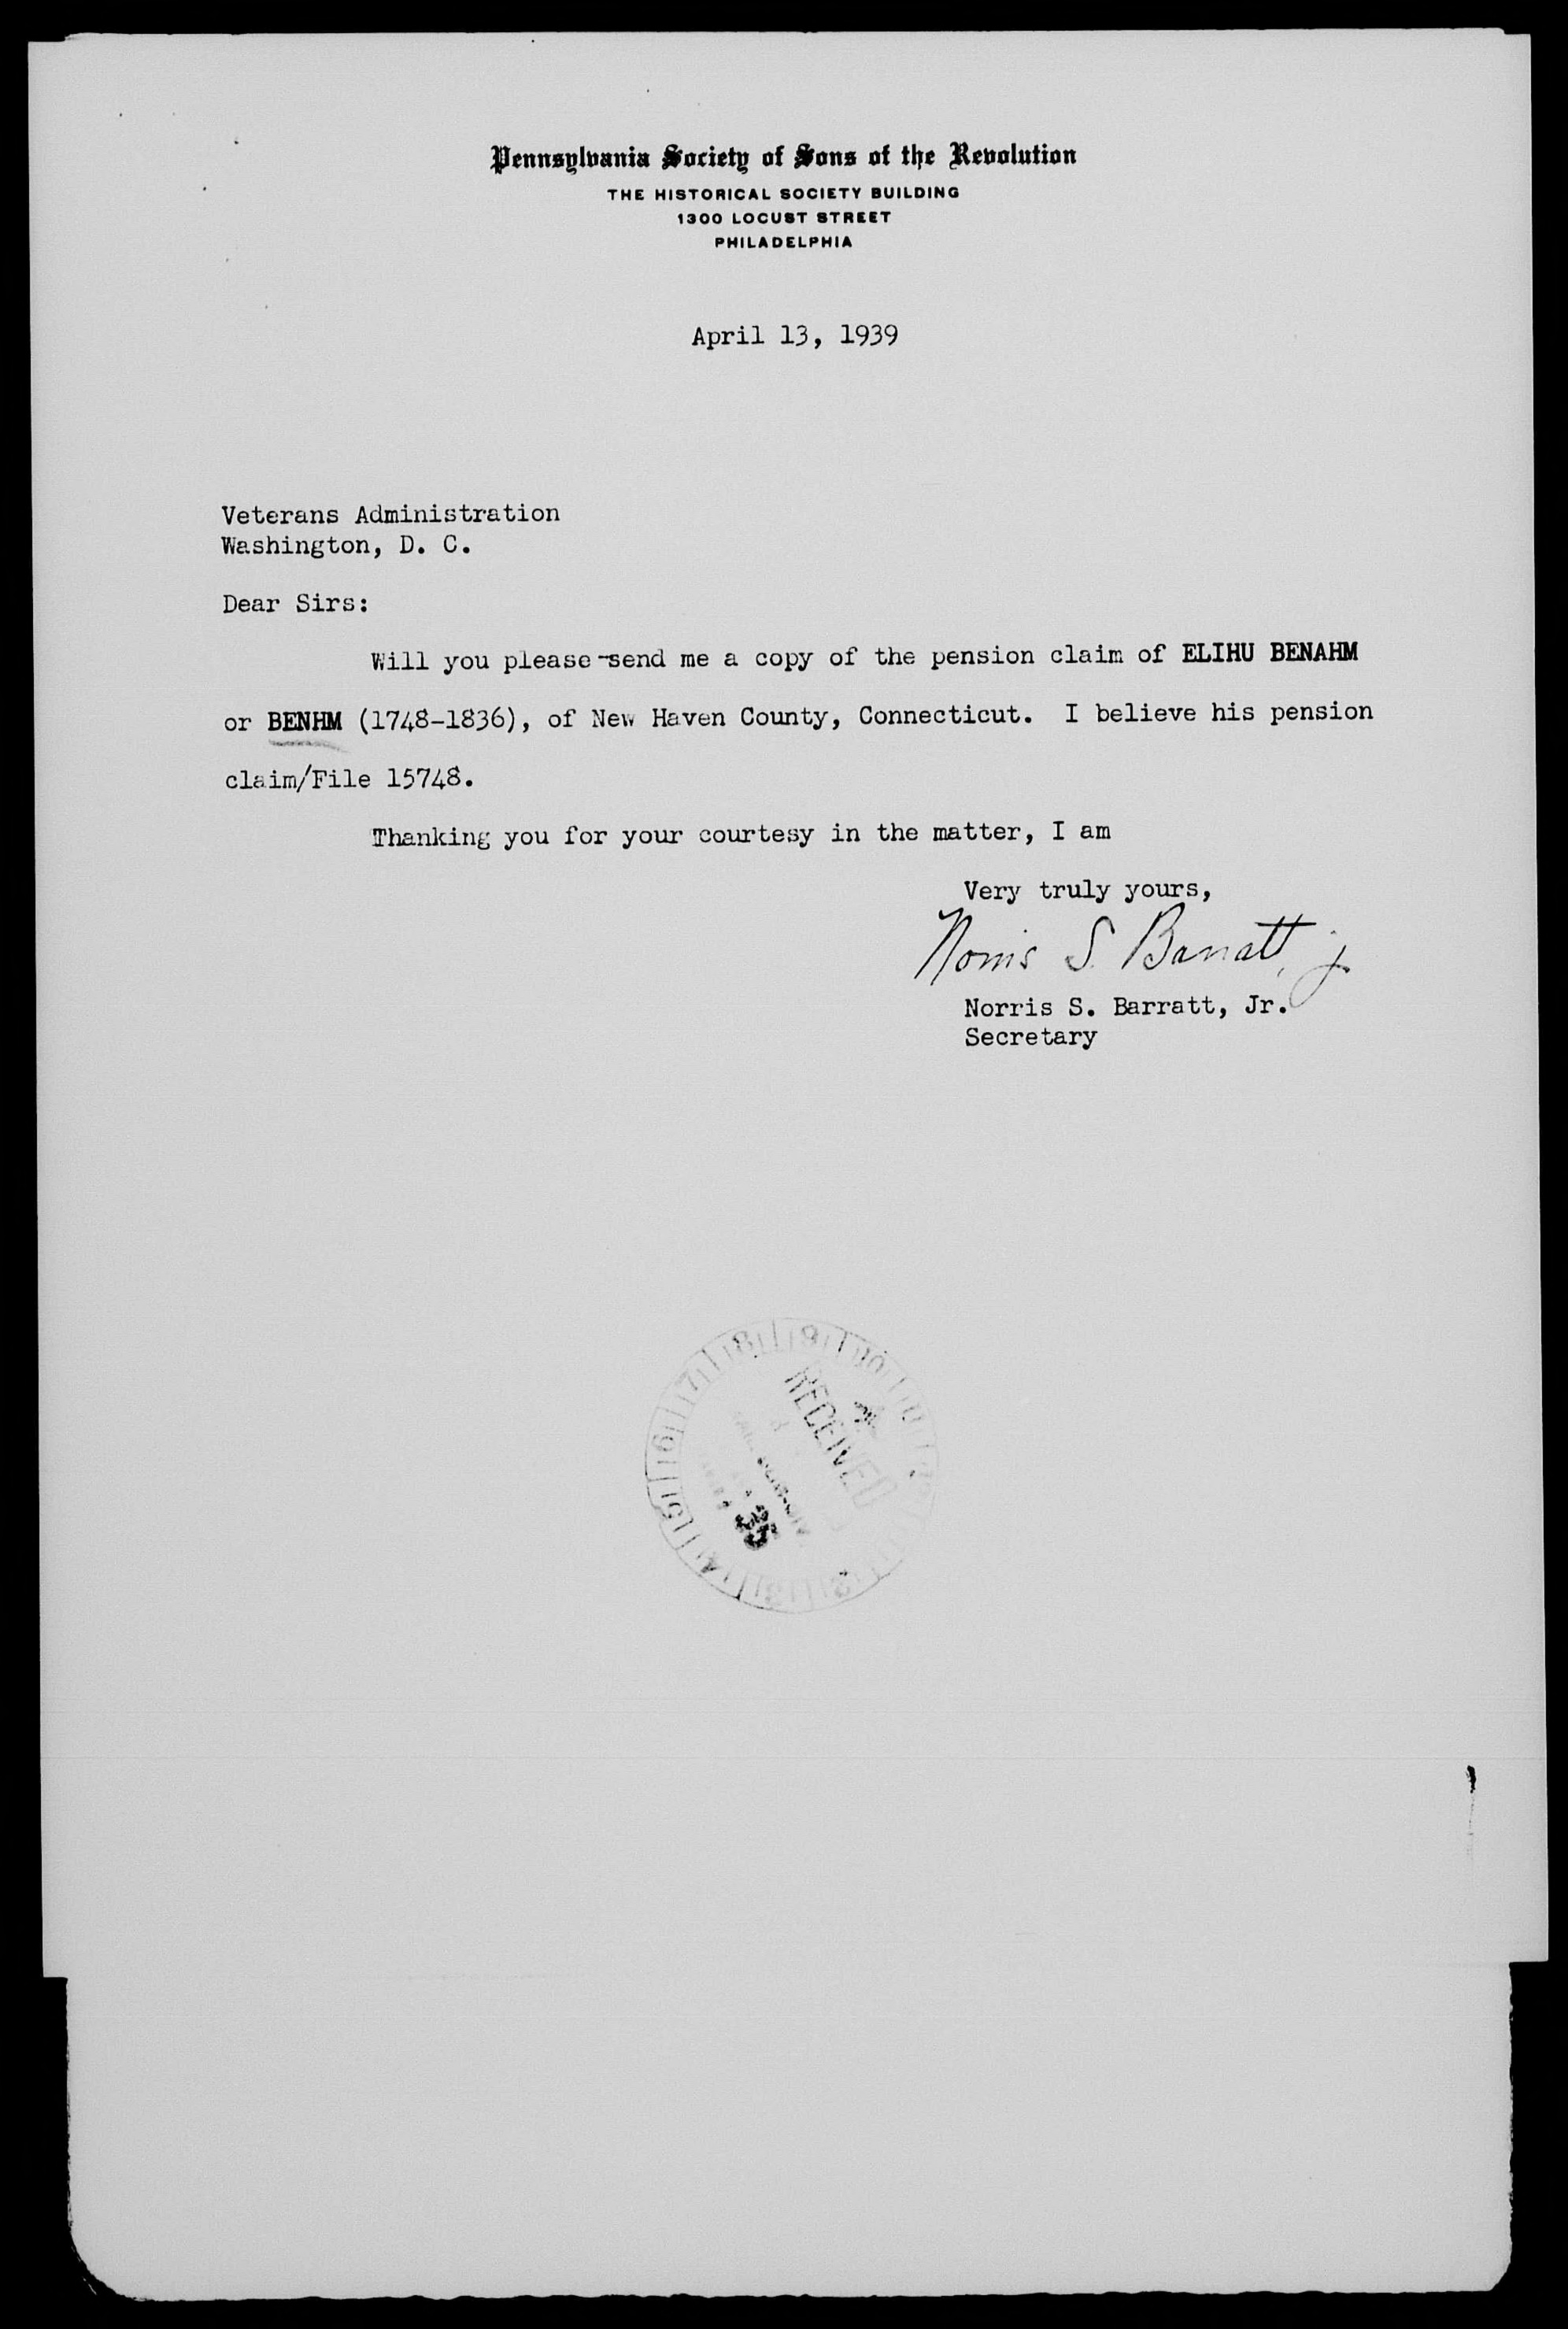Pennsylvania Society of Sons of the Revolution THE HISTORICAL SOCIETY BUILDING 
1300 LOCUST STREET PHILADELPHIA 
April 13, 1939 
Veterans Administration Washington, D. C. 
Dear Sirs: 
Will you please send me a copy of the pension claim of ELIHU BENAHM or BENHM ( 1748 - 1836), of New Haven County, Connecticut. I believe his pension claim, File 15748. 
Thanking you for your courtesy in the matter, I am 
Very truly yours, 
[signature]
Norris S. Barratt, Jr. 
Secretary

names: Norris S Barratt, Norris S Barratt, Elihu Benhm, Elihu Benahm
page: 44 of 45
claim: survivor's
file: S. 15748, Elihu Benham, Conn.